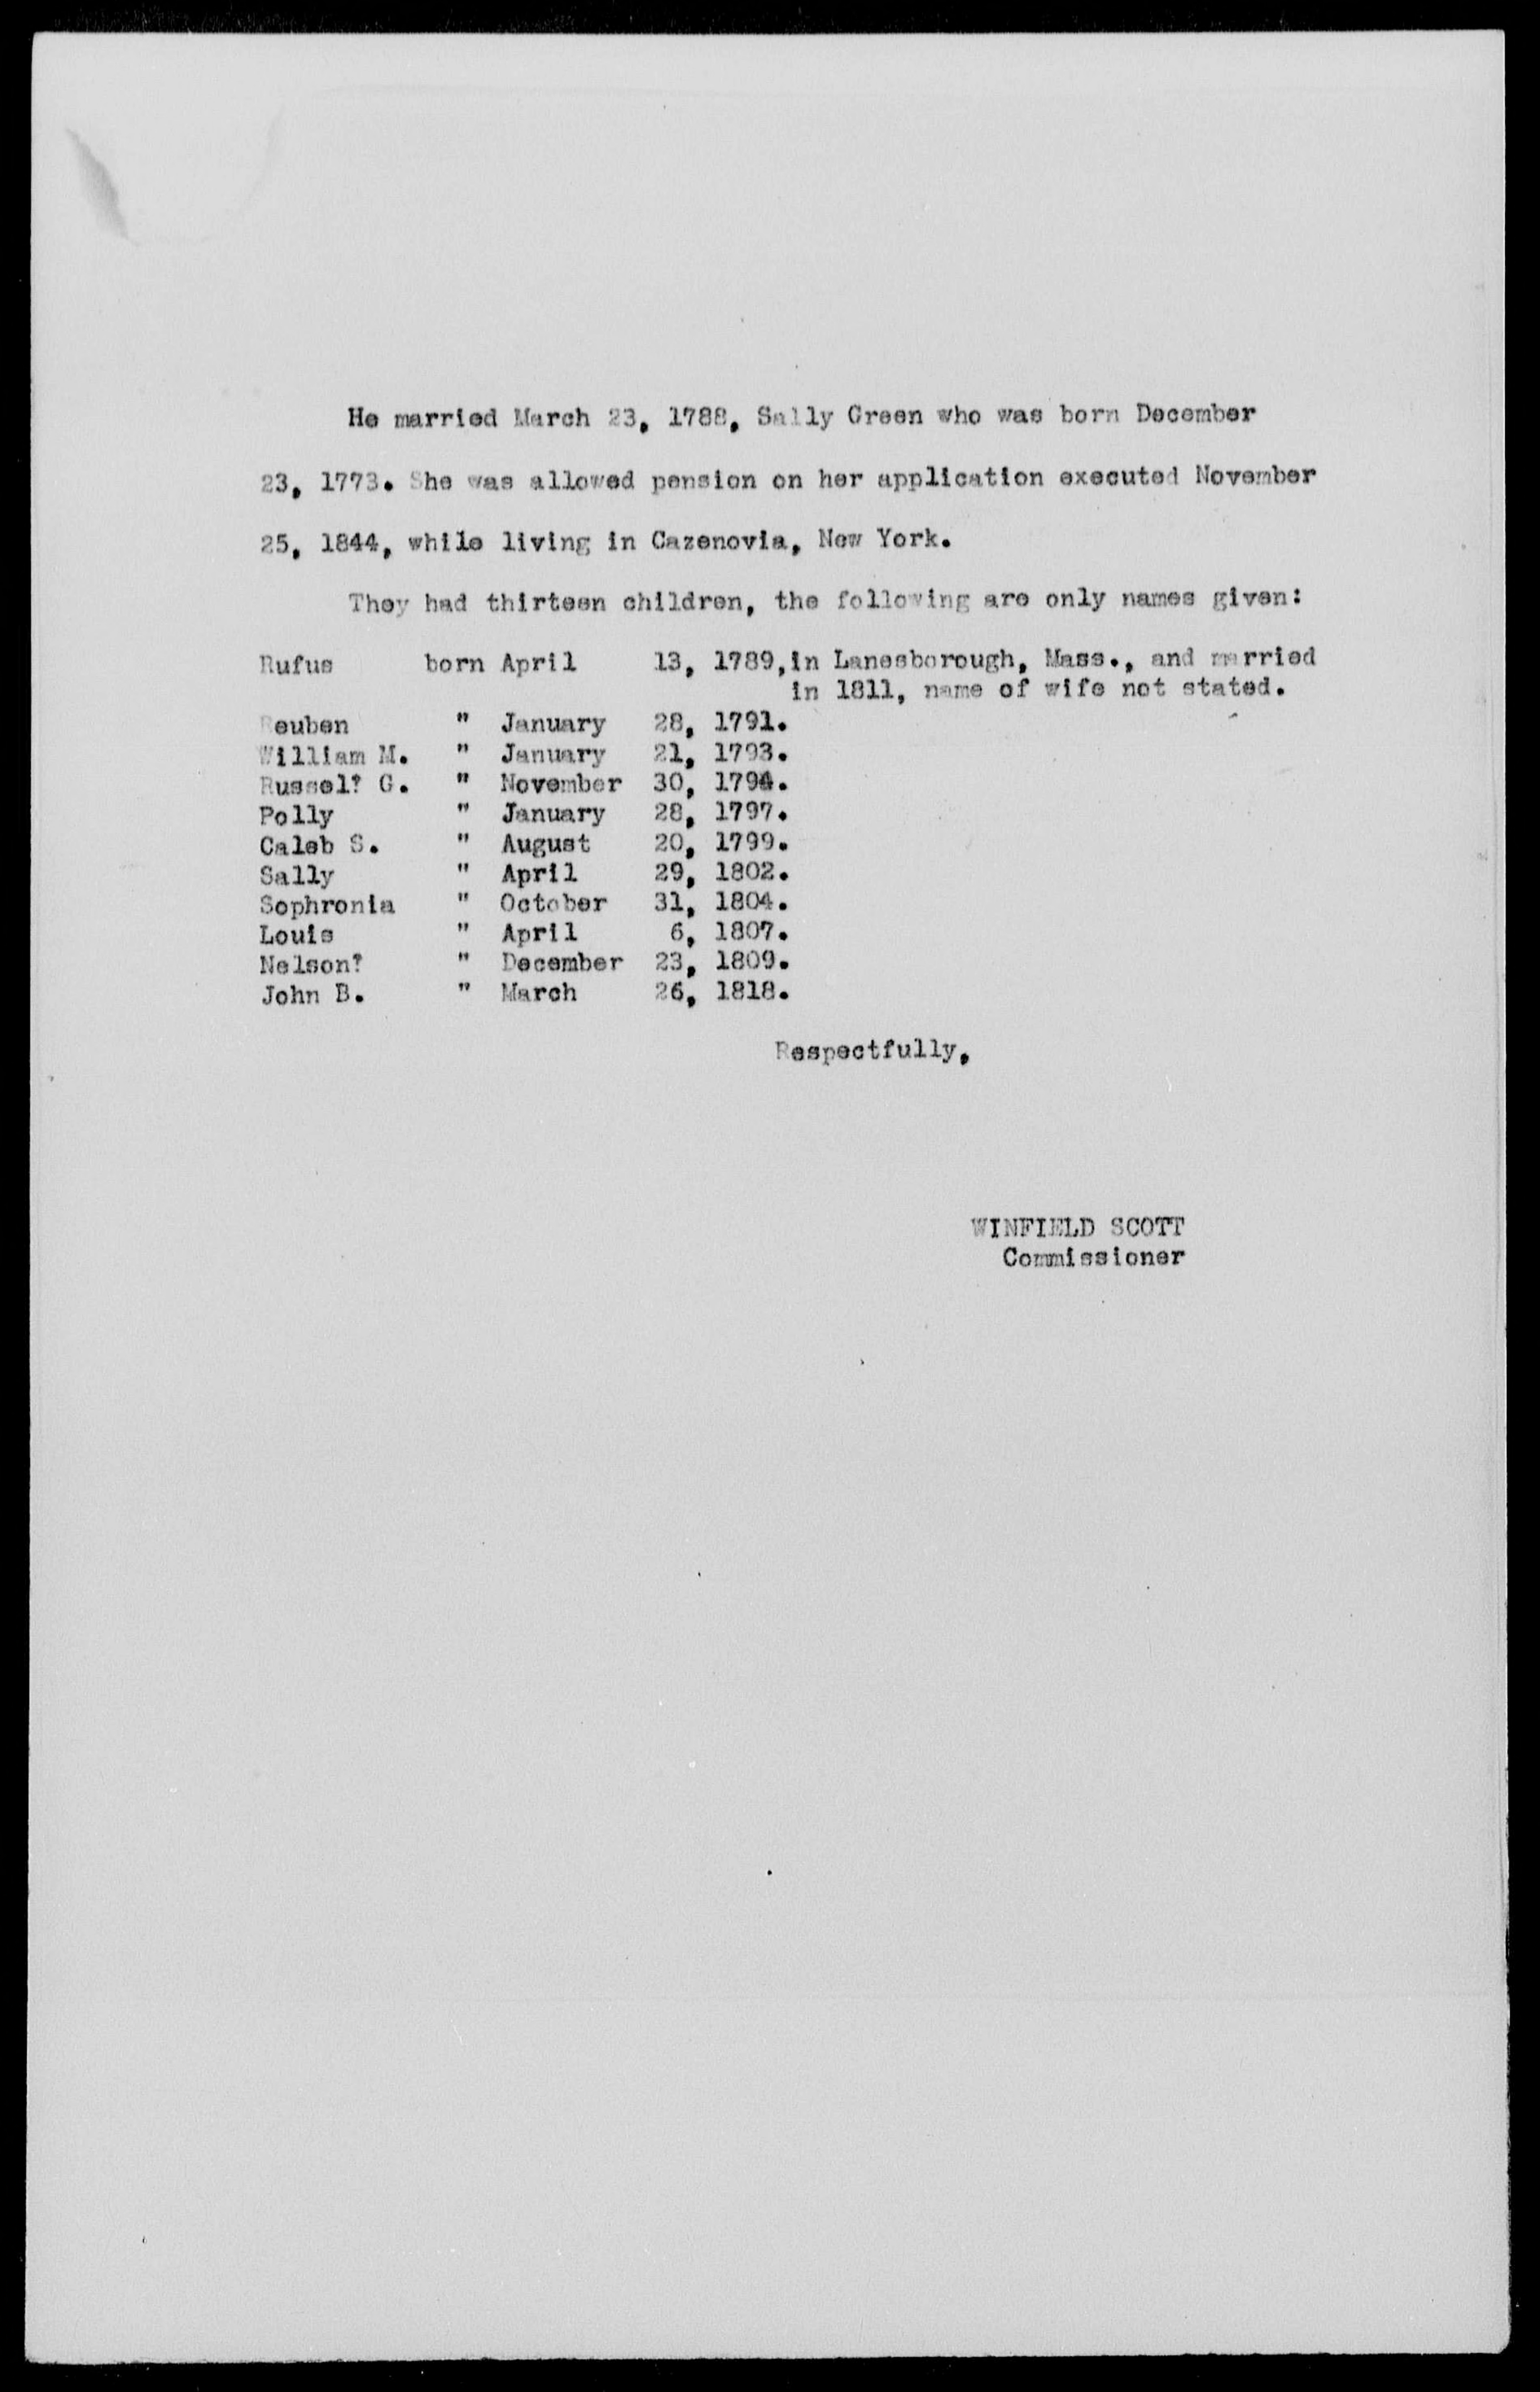He married March 23, 1788, Sally Green who was born December 23, 1773. She was allowed pension on her application executed November 25, 1844, while living in Cazenovia, New York. 
They had thirteen children, the following are only names given: 
Rufus	born	 April	13, 	1789, in Lanesborough, Mass., and married in 1811, name of wife not stated.
Reuben “	January	28	1791.
William M. “	January 21,	1793.
Russel G. “	November 30,	1794.
Polly	“	January 28,	1797.
Caleb S. “	August 20,	1799.
Sally 	“	April 6, 		1807.
Sophronia “	October 31, 	1804.
Louis	“	April 6,		1807.
Nelson? “	December 23, 	1809.
John B.	“	March 26,	1818.
Respectfully, 
WINFIELD SCOTT 
Commissioner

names: Reuben, Russel G, Caleb S, Sally Green, John B, Sally, Rufus, Polly, William M, Winfield Scott, Nelson, Louis, Sophronia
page: 74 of 74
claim: widow's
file: W. 23424, John Allen, Mass. R. I.